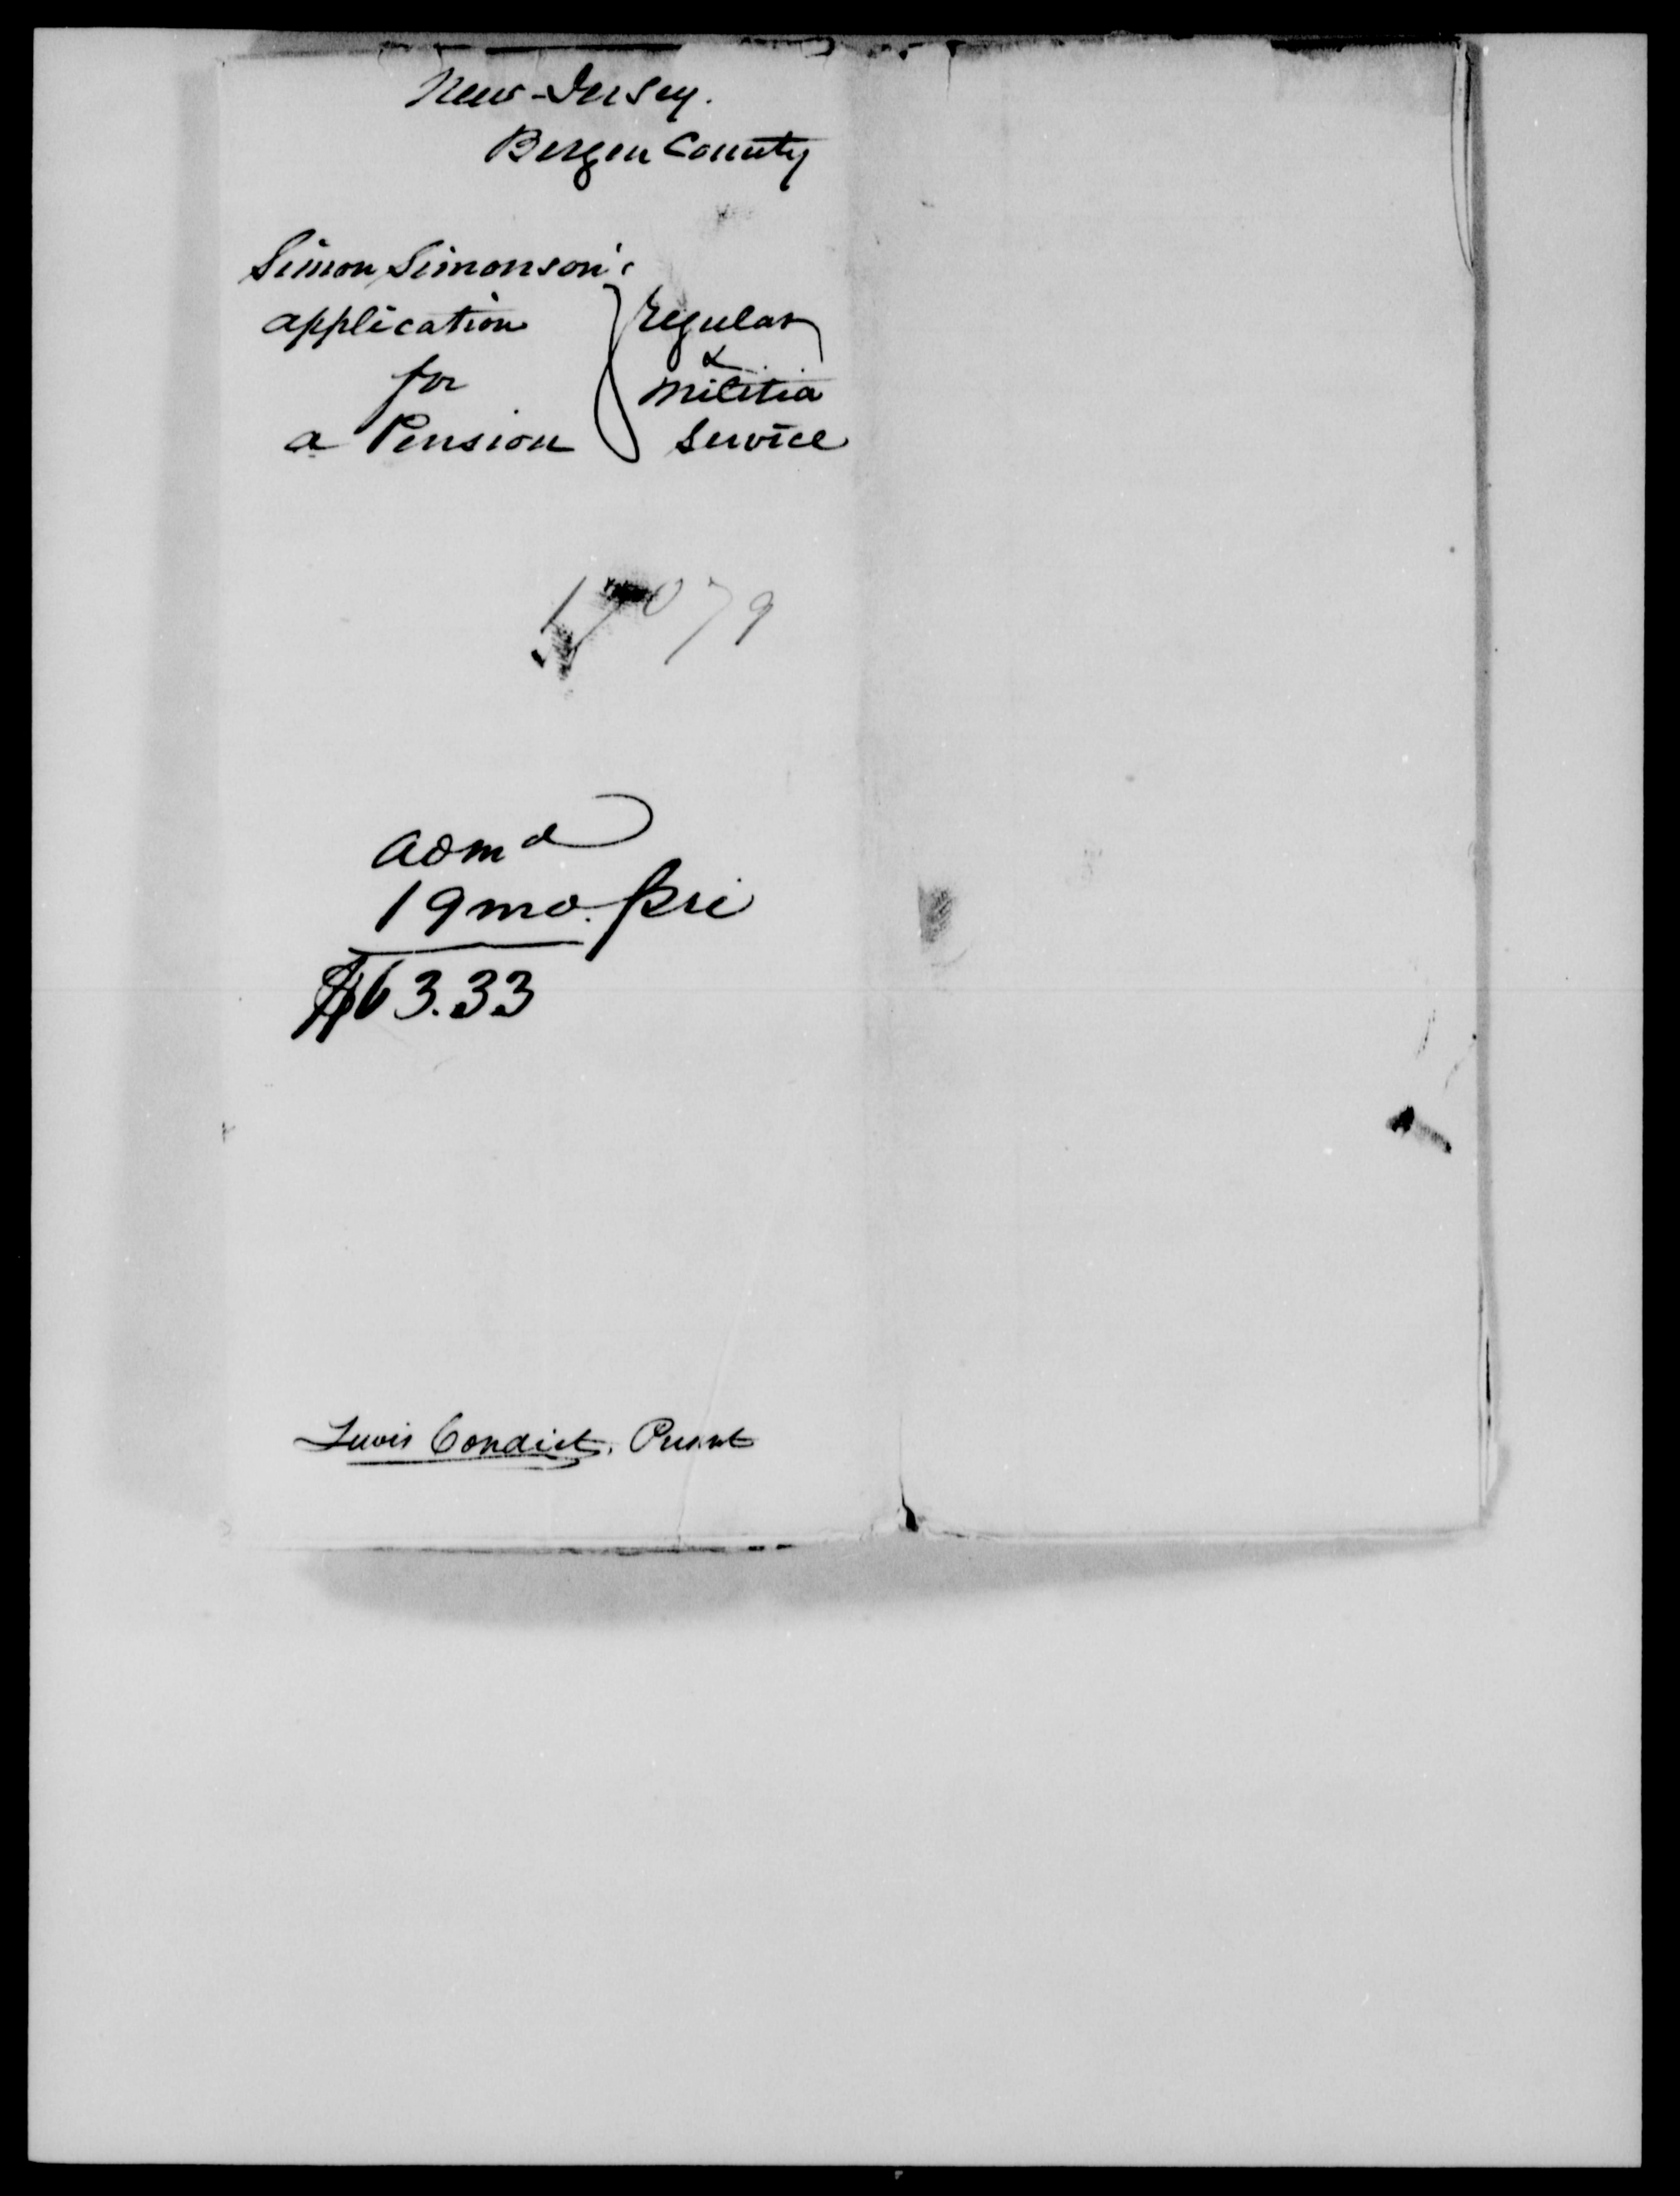New Jersey
Bergen County

Simon Simonson's
application
for
a Pension. }  regular & militia service

17079

admd. 
9 mo pri
_______
$63.33


Lewis Condict, Present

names: Simon Simonson; Lewis Condict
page: 15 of 30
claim: survivor's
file: S. 1104, for Simon Simonson, New Jersey